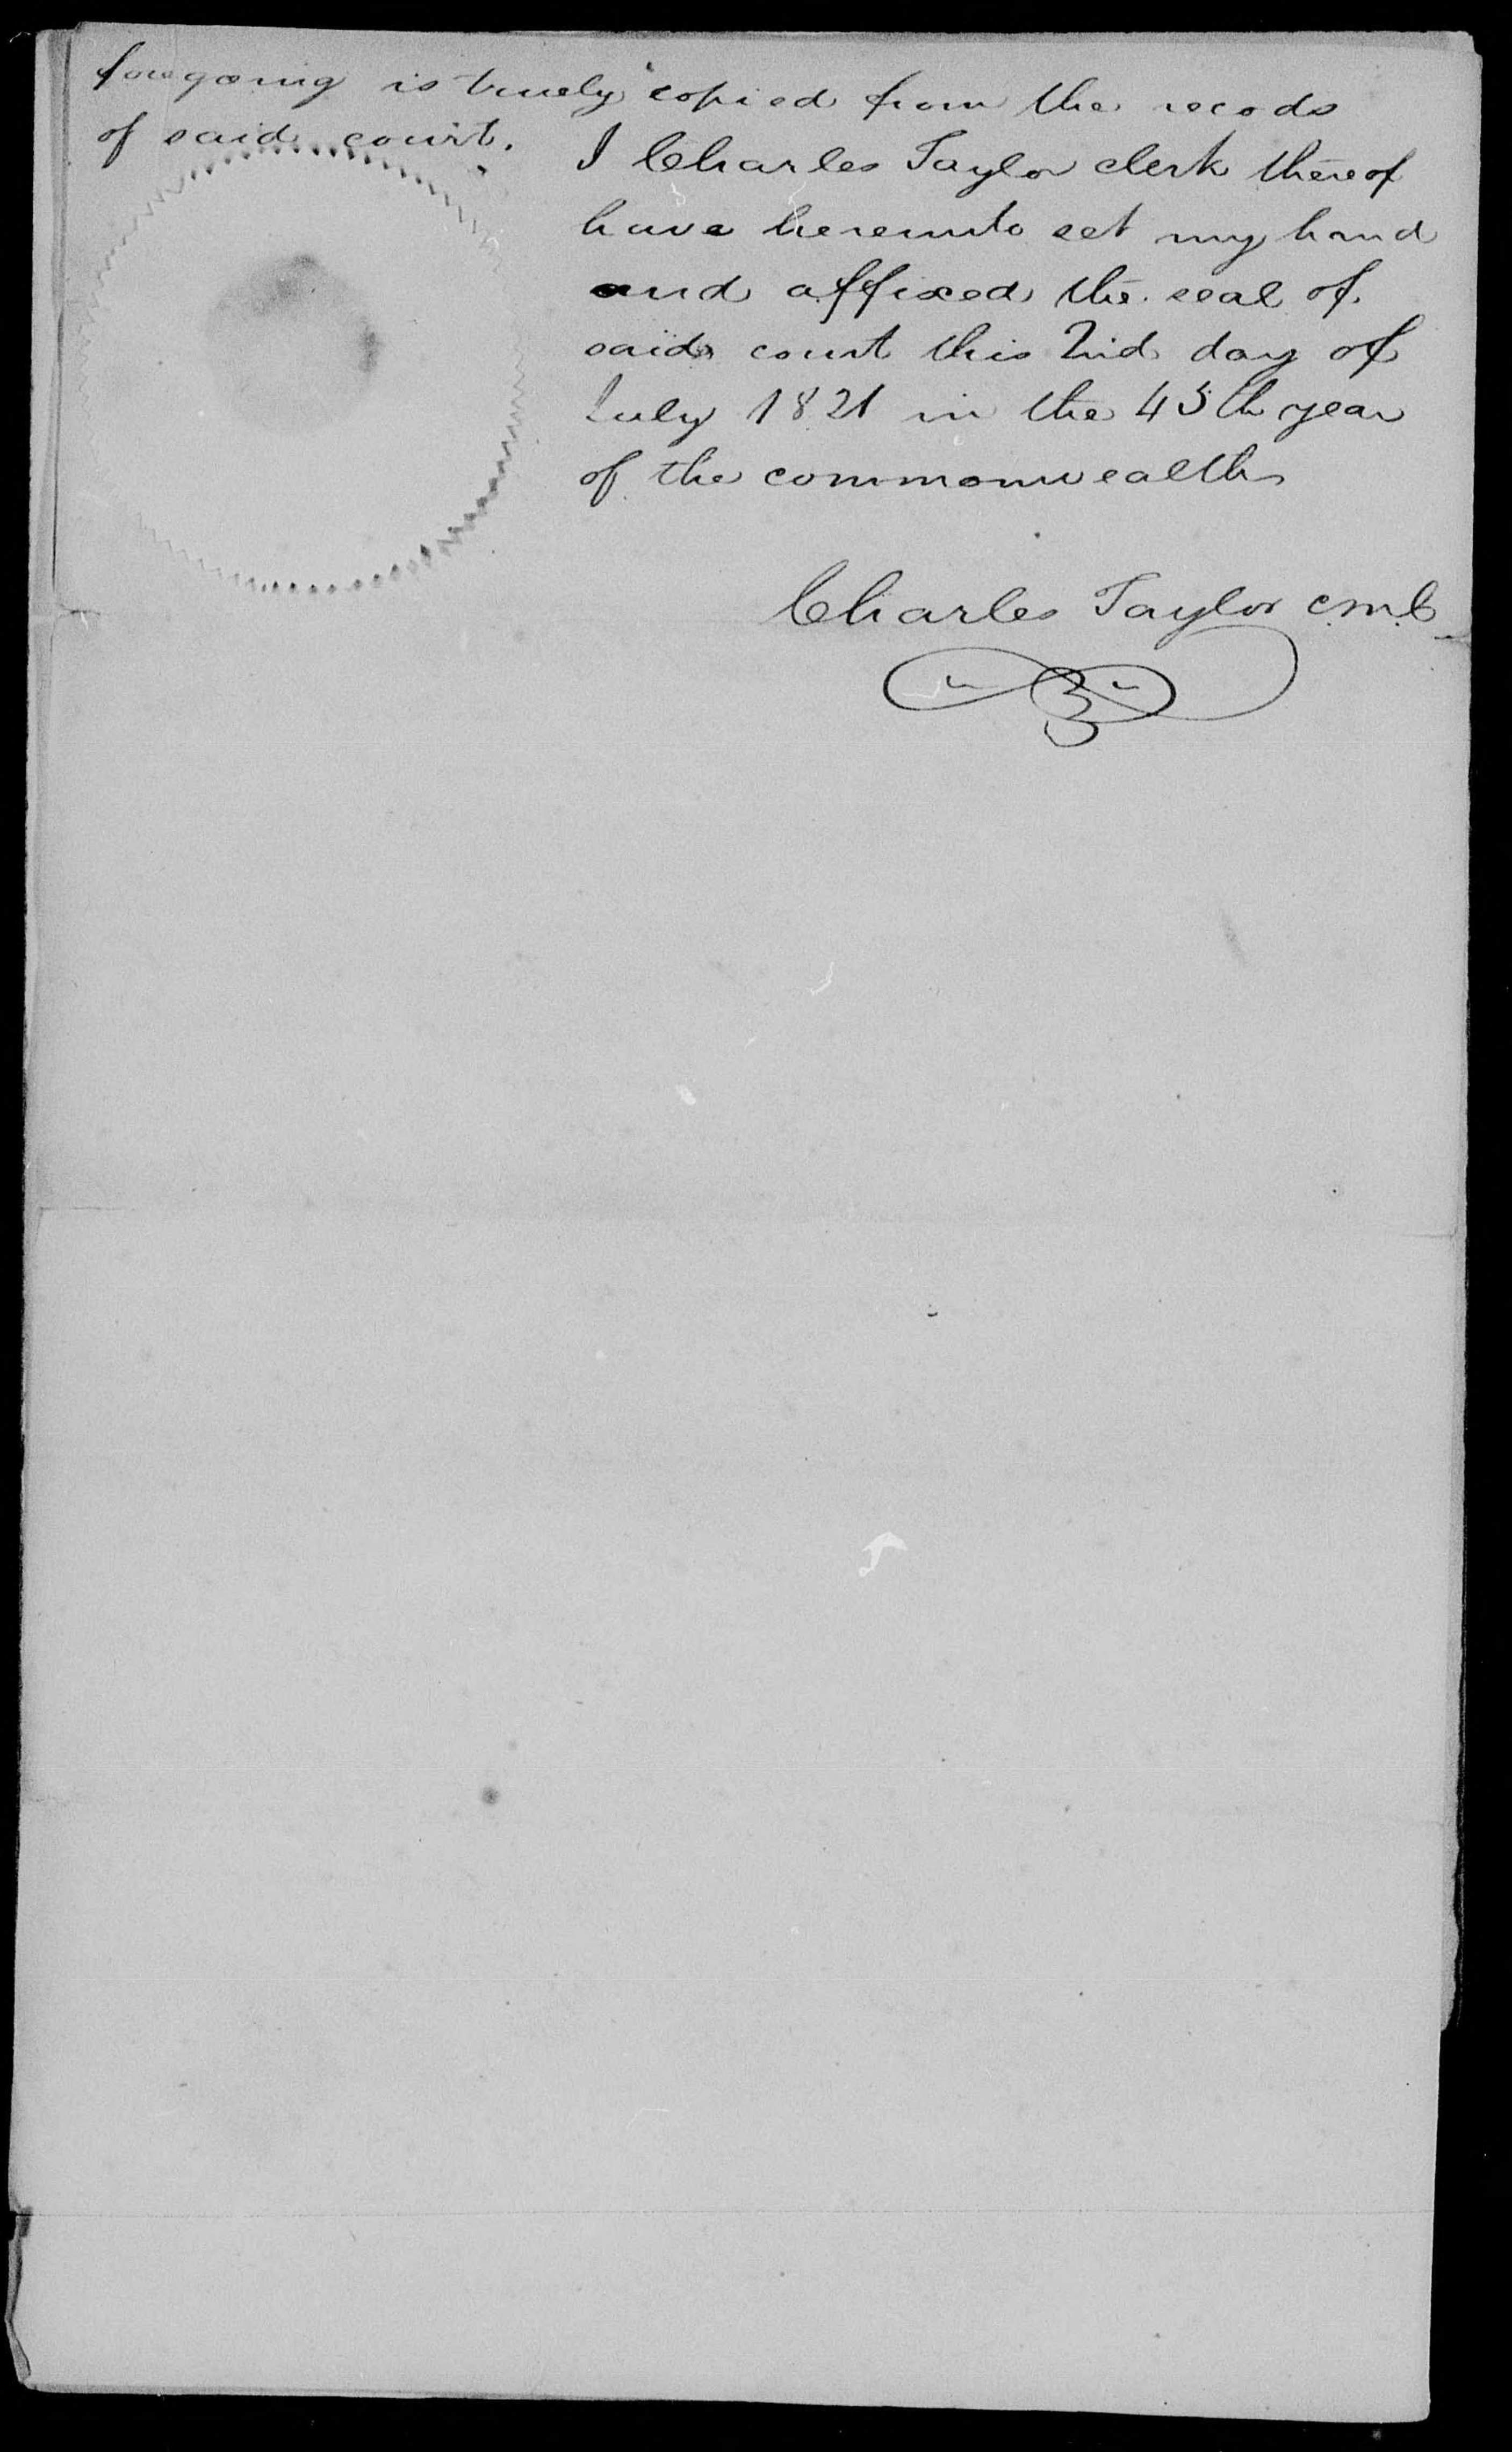foregoing is truly copied from the records of said court.
I Charles Taylor clerk there of have hereunto set my hand and affixed the seal of said court this 2nd day of July 1821 in the 45th year of the Commonwealth

Charles Taylor cmb


paper seal affixed to left side next to signature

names: Charles Taylor, Charles Taylor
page: 11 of 15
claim: survivor's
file: S. 38016, Michael Henderliter, Penn.